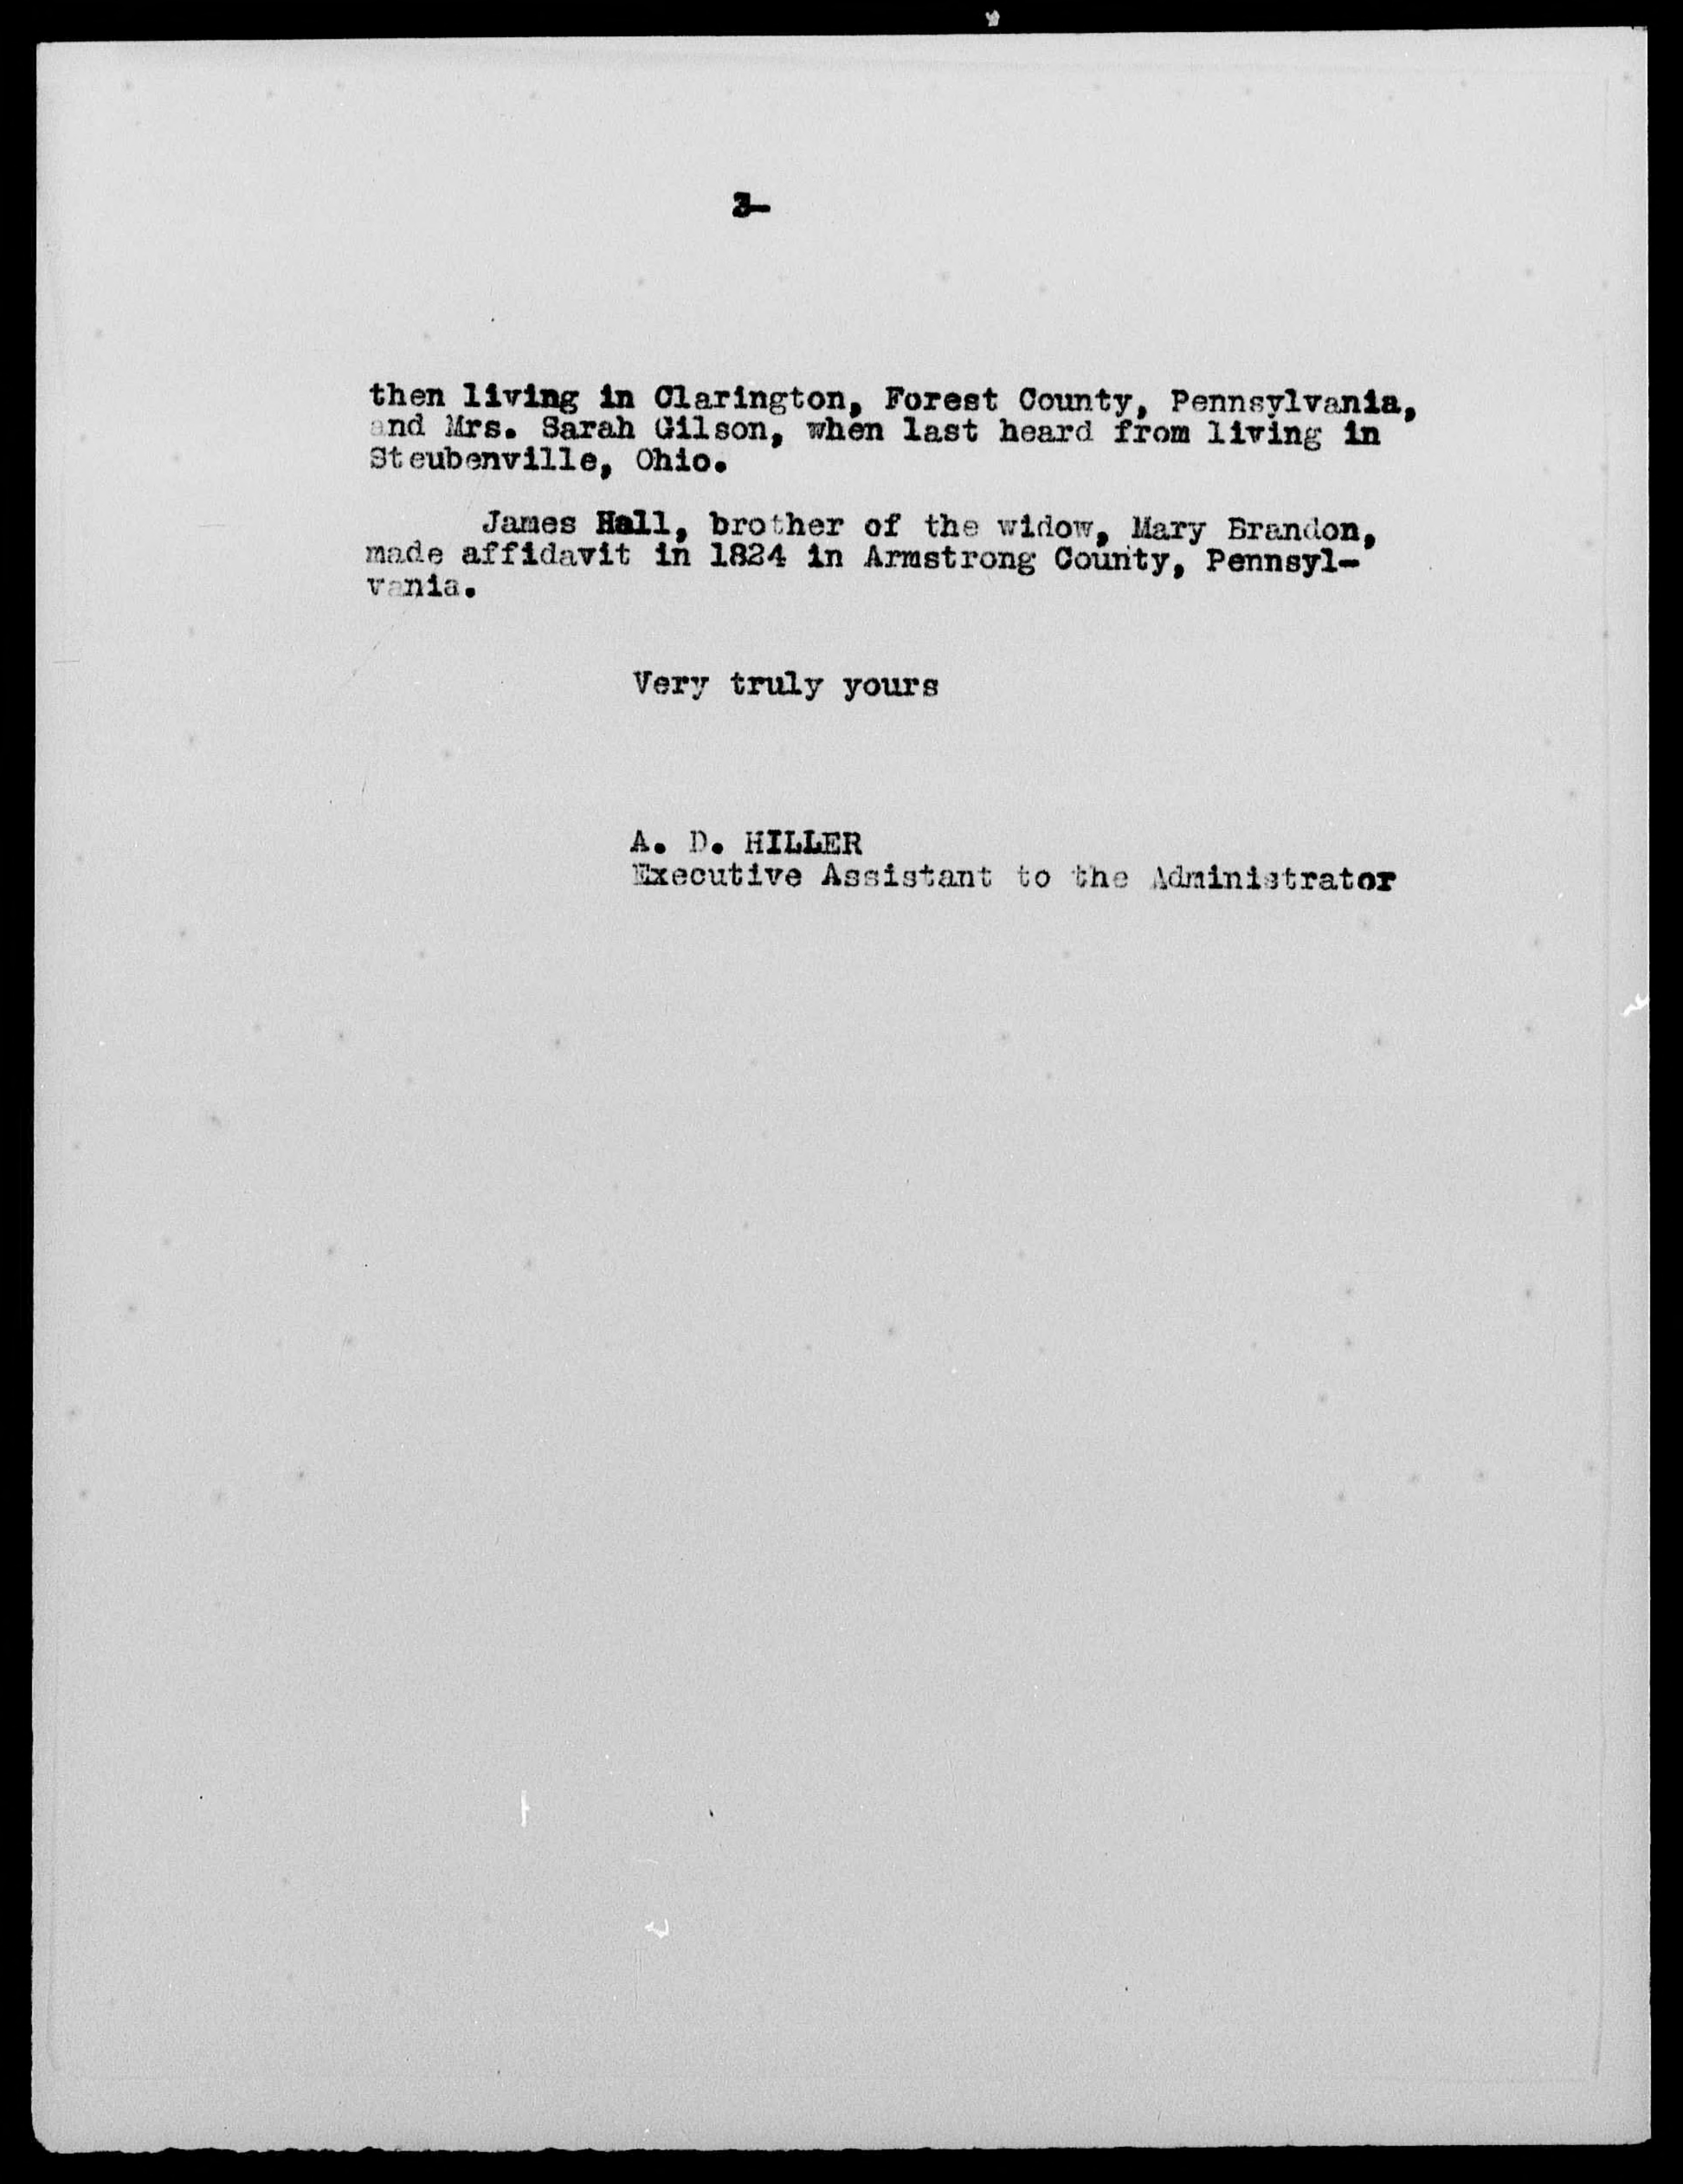3-

then living in Clarington, Forest County, Pennsylvania, and Mrs. Sarah Gilson, when last heard from living in Steubenville, Ohio.

James Hall, brother of the widow, Mary Brandon, made affidavit in 1824 in Armstrong County, Pennsylvania.

Very truly yours

A. D. HILLER
Executive Assistant to the Administrator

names: A D Hiller, James Hall, Mary Brandon, Sarah Gilson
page: 14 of 83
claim: widow's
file: W. 5946, John Brandon, Penn